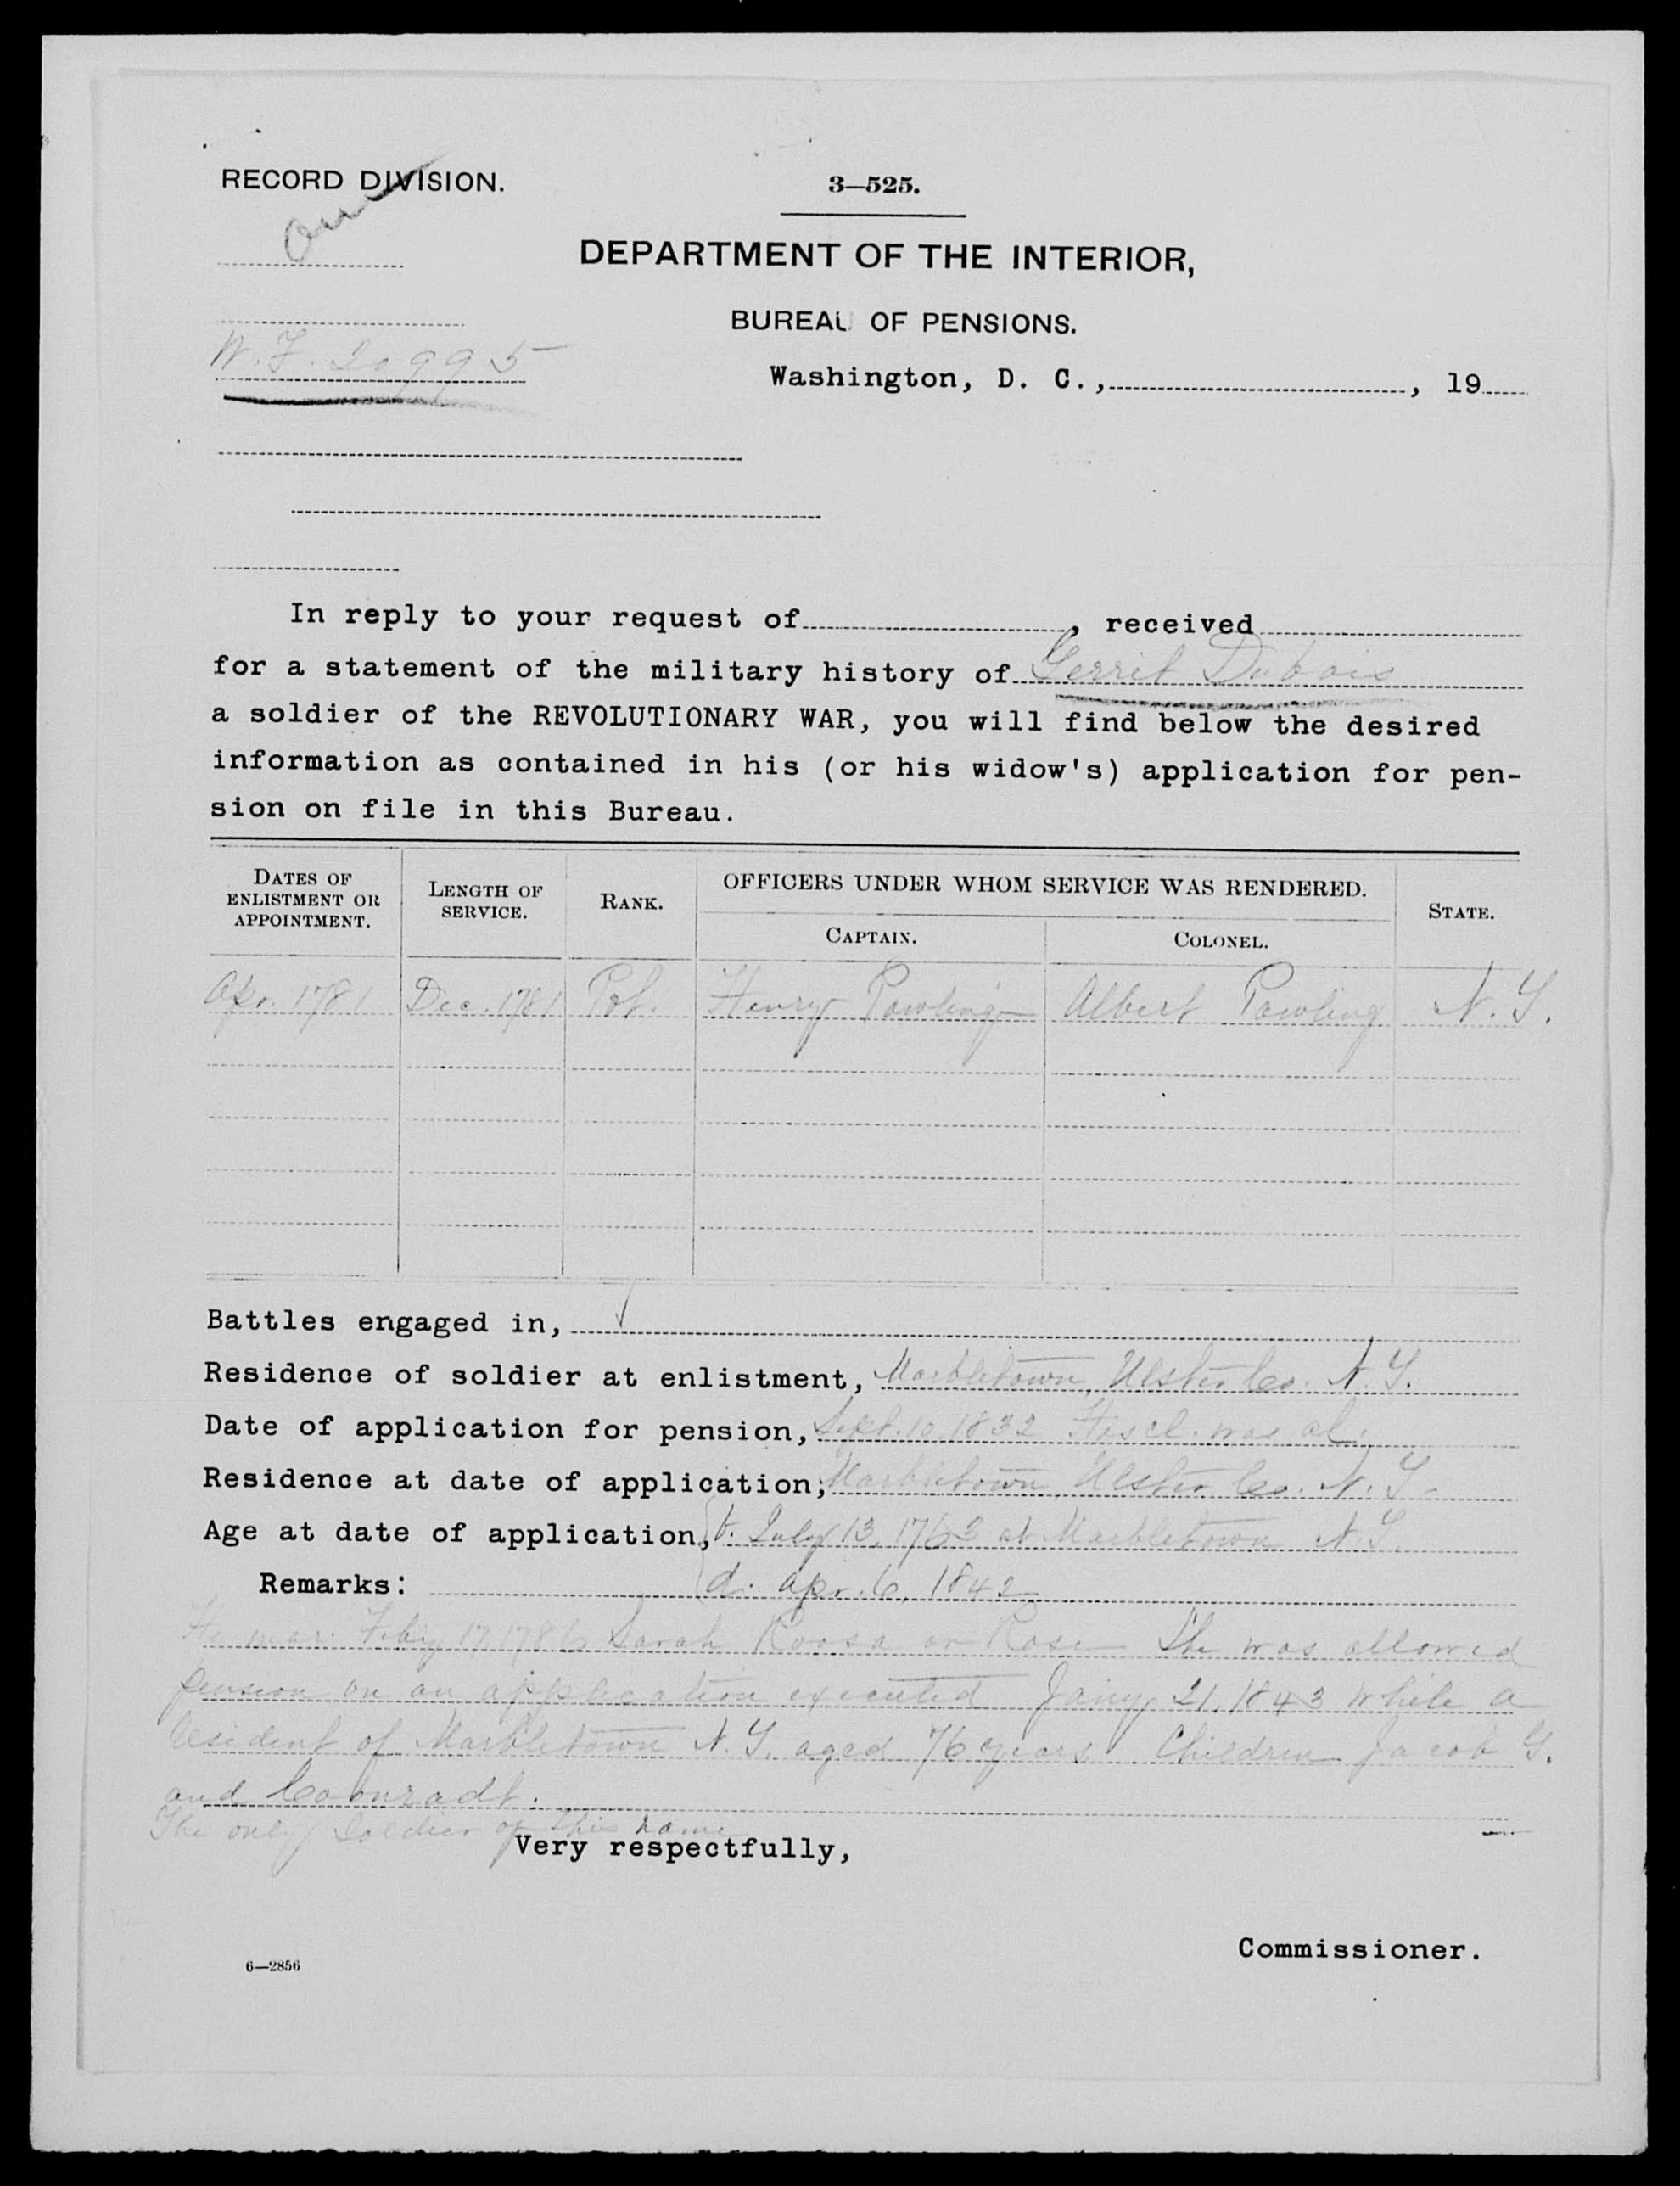RECORD DIVISION.
"AUR" [initials?]
W.F. 20995

3 -- 525.
DEPARTMENT OF THE INTERIOR.
BUREAU OF PENSIONS.
Washington, D. C. , __________, 19____

In reply to your request of _____, received _____ for a statement of the military history of Gerrit Dubois a soldier of the REVOLUTIONARY WAR, you will find below the desired information as contained in his (or his widow's) application for pension on file in this Bureau.
DATES OF
ENLISTMENT OR
APPOINTMENT.
Apr 1781
LENGTH OF
SERVICE.
Dec. 1781
RANK.
Pvt.
OFFICERS UNDER WHOM SERVICE WAS RENDERED.
CAPTAIN.
Henry Pawling
COLONEL.
Albert Pawling
STATE.
N. Y.
Battles engaged in, _____
Residence of soldier at enlistment, Marbletown Ulster Co. N.Y.
Date of application for pension, Sept. 10, 1832 His cl. was al.
Residence at date of application, Marbletown, Ulster Co. N.Y.
Age at date of application, {b. July 13, 1763 at Marbletown N.Y.. d. Apr. 6, 1842
Remarks: He mar. Feb 17 1786 Sarah Roosa or Rose, She was allowed Pension on an application  executed Jany 21, 1843 while a resident of Marbletown N.Y. aged 76 years Children Jacob G. and Coonradt:
The only soldier of this name
Very respectfully,
Commissioner.
6 -- 2856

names: Sarah Roosa, Albert Pawling, Gerrit Dubois, Coonradt, Sarah Rose, Jacob G, Henry Pawling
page: 18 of 36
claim: widow's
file: W 20995, Gerrit Dubois, New York